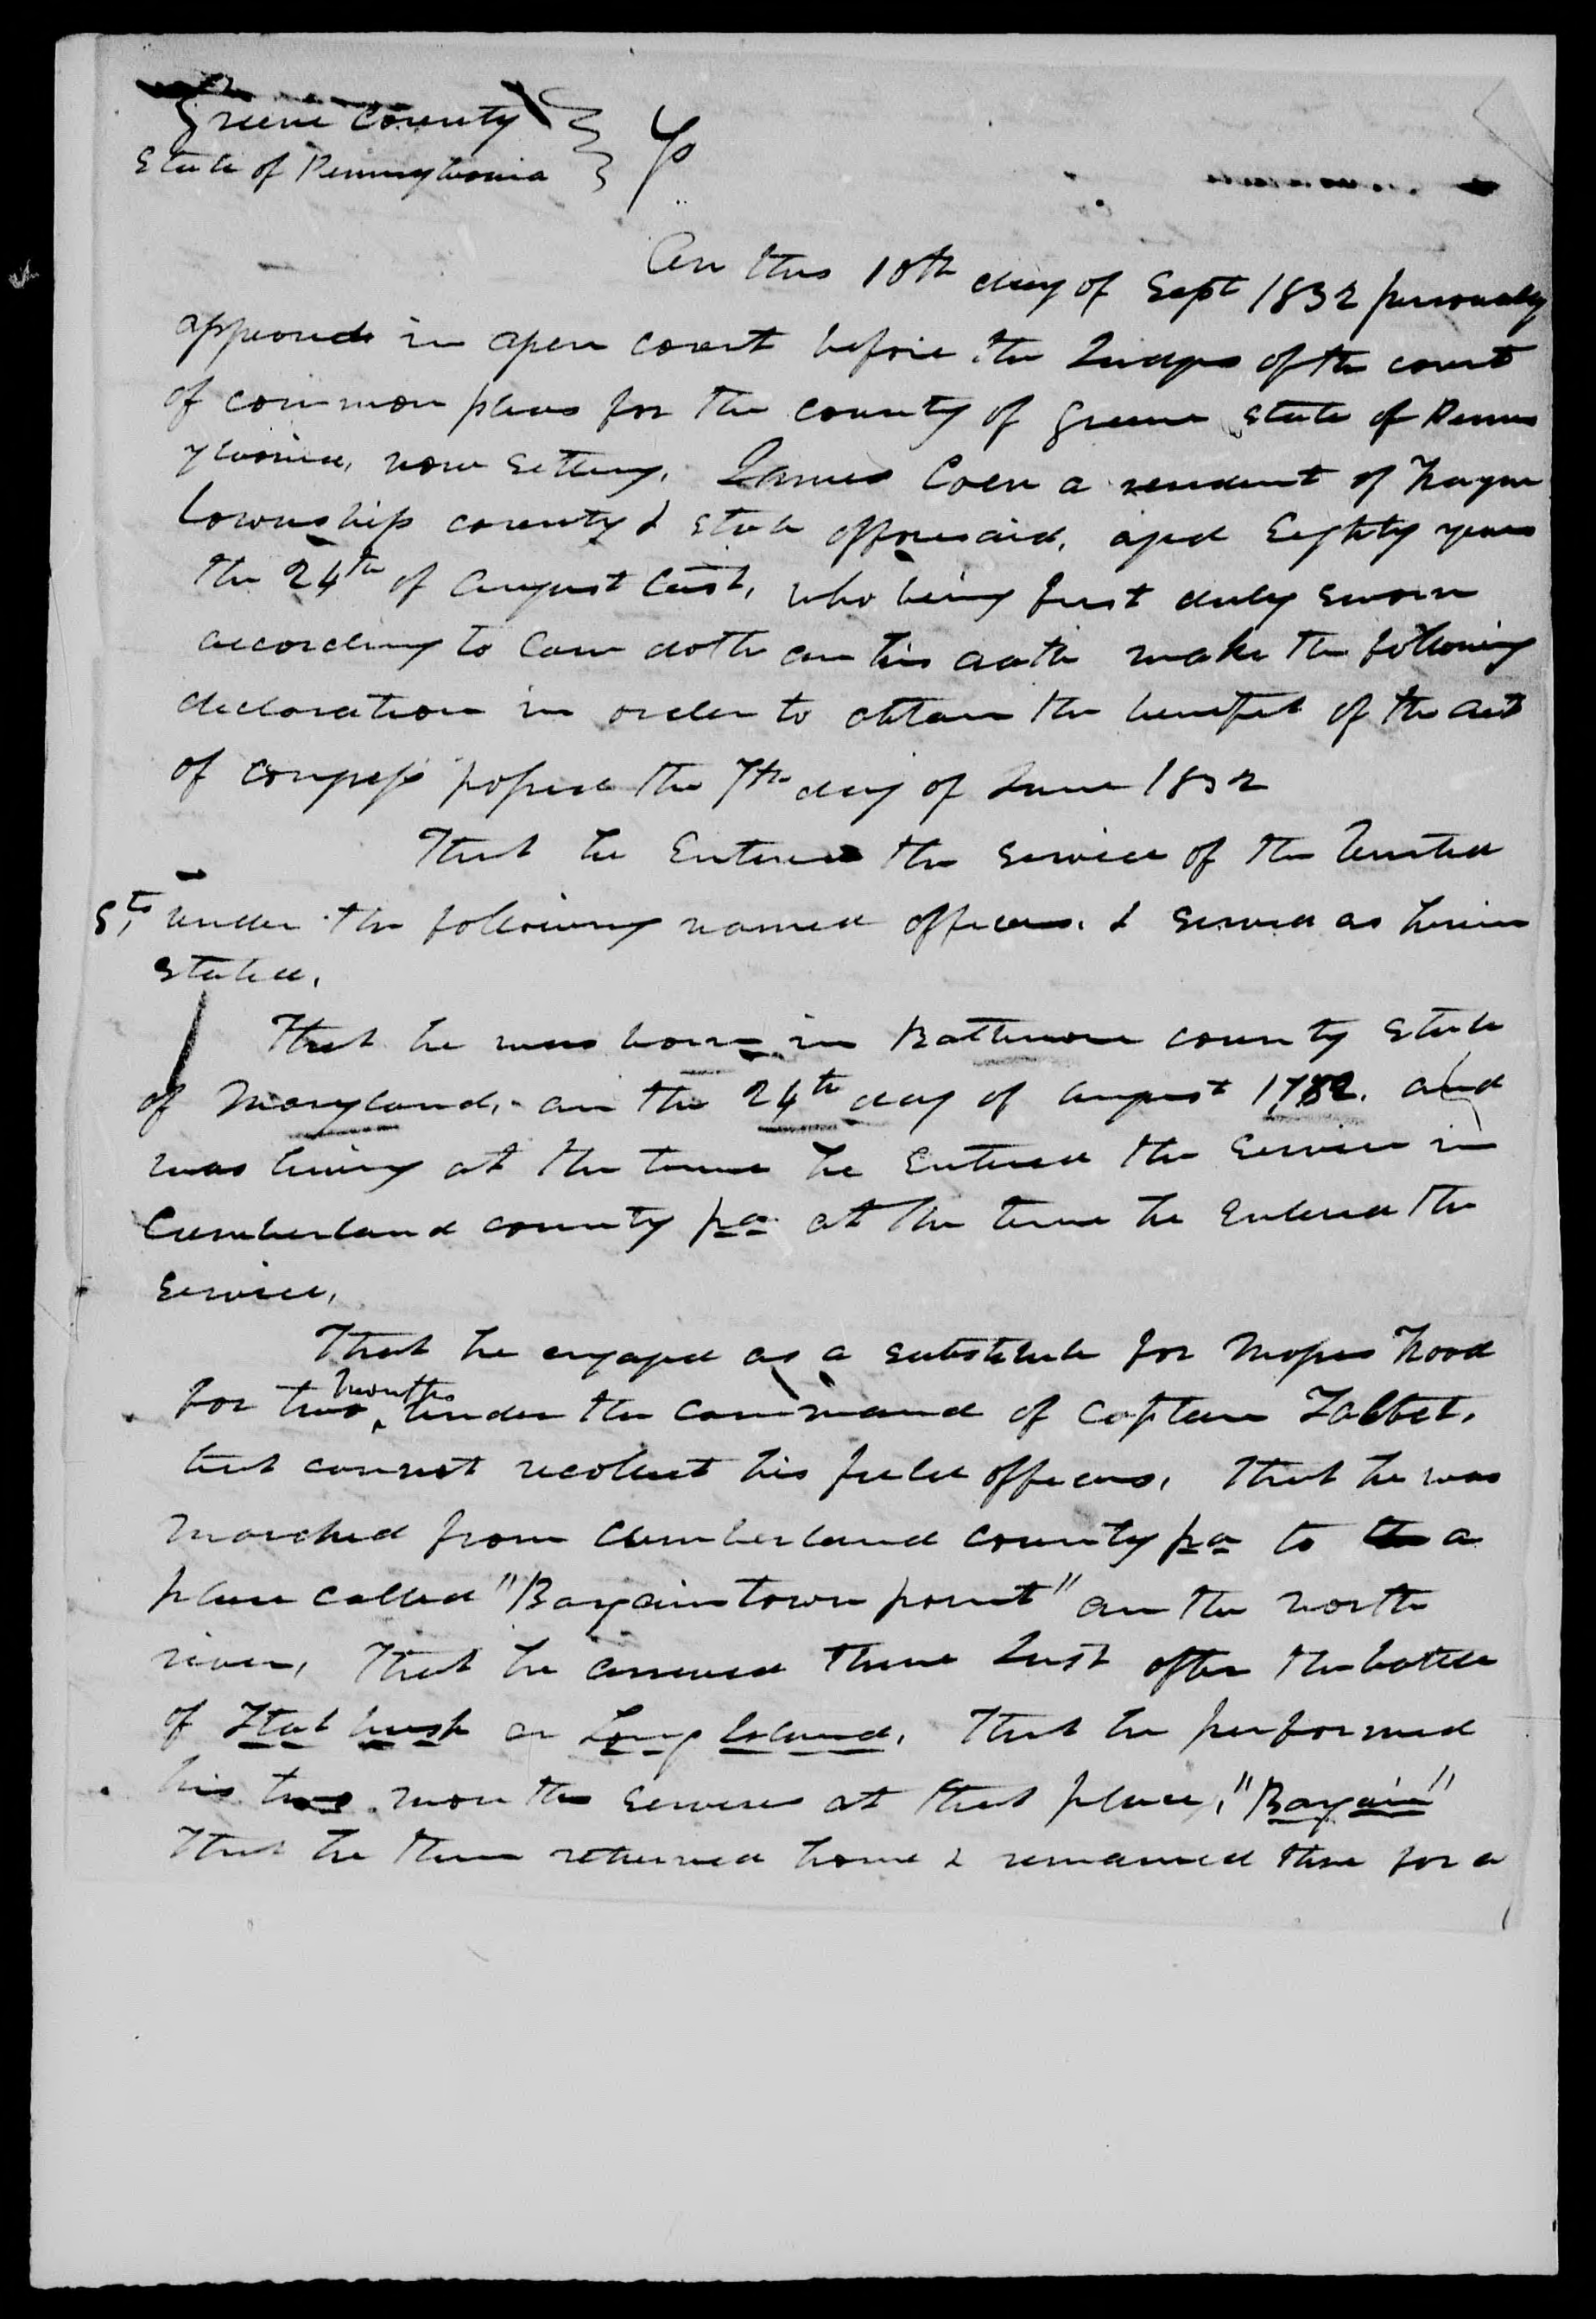Greene County
State of Pennsylvania        SS  
On this 10th day of Sept. 1832 personally
appeared in open court before the Judges of the court
of common pleas for the county of Greene, State of Penn-
syvania, now setting, James Coen a resident of Morgan
Township county & state aforesaid, aged eighty years
the 24th of August (illegible), who being first duly sworn
according to law doth on his oath make the following
declaration in order to obtain the benefit of the Act
of Congress passed the 7th day of June 1832.
That he entered the service of the United 
States under the following named officers & served as herein
stated.
That he was born in Baltimore county state
of Maryland on the 24th day of August 1752 and
was living at the time he entered the service in
Cumberland County Pa. at the time he entered the
service
That he engaged as a substitute for Mosses Hood
for two months under the command of Captain Talbot.
He can not recollect his field officers.  That he was 
marched from Cumberland County PA. to a
place called "Bayain town point" on the north
rivers. That he arrived there just after the battle
of Flatbush on Long Island.  That he performed
the two month service at that place "Bayain"
That he then returned home & remained there for a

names: James Coen, Bayan, Talbot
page: 4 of 9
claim: survivor's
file: S. 2139, James Coen, Penn.